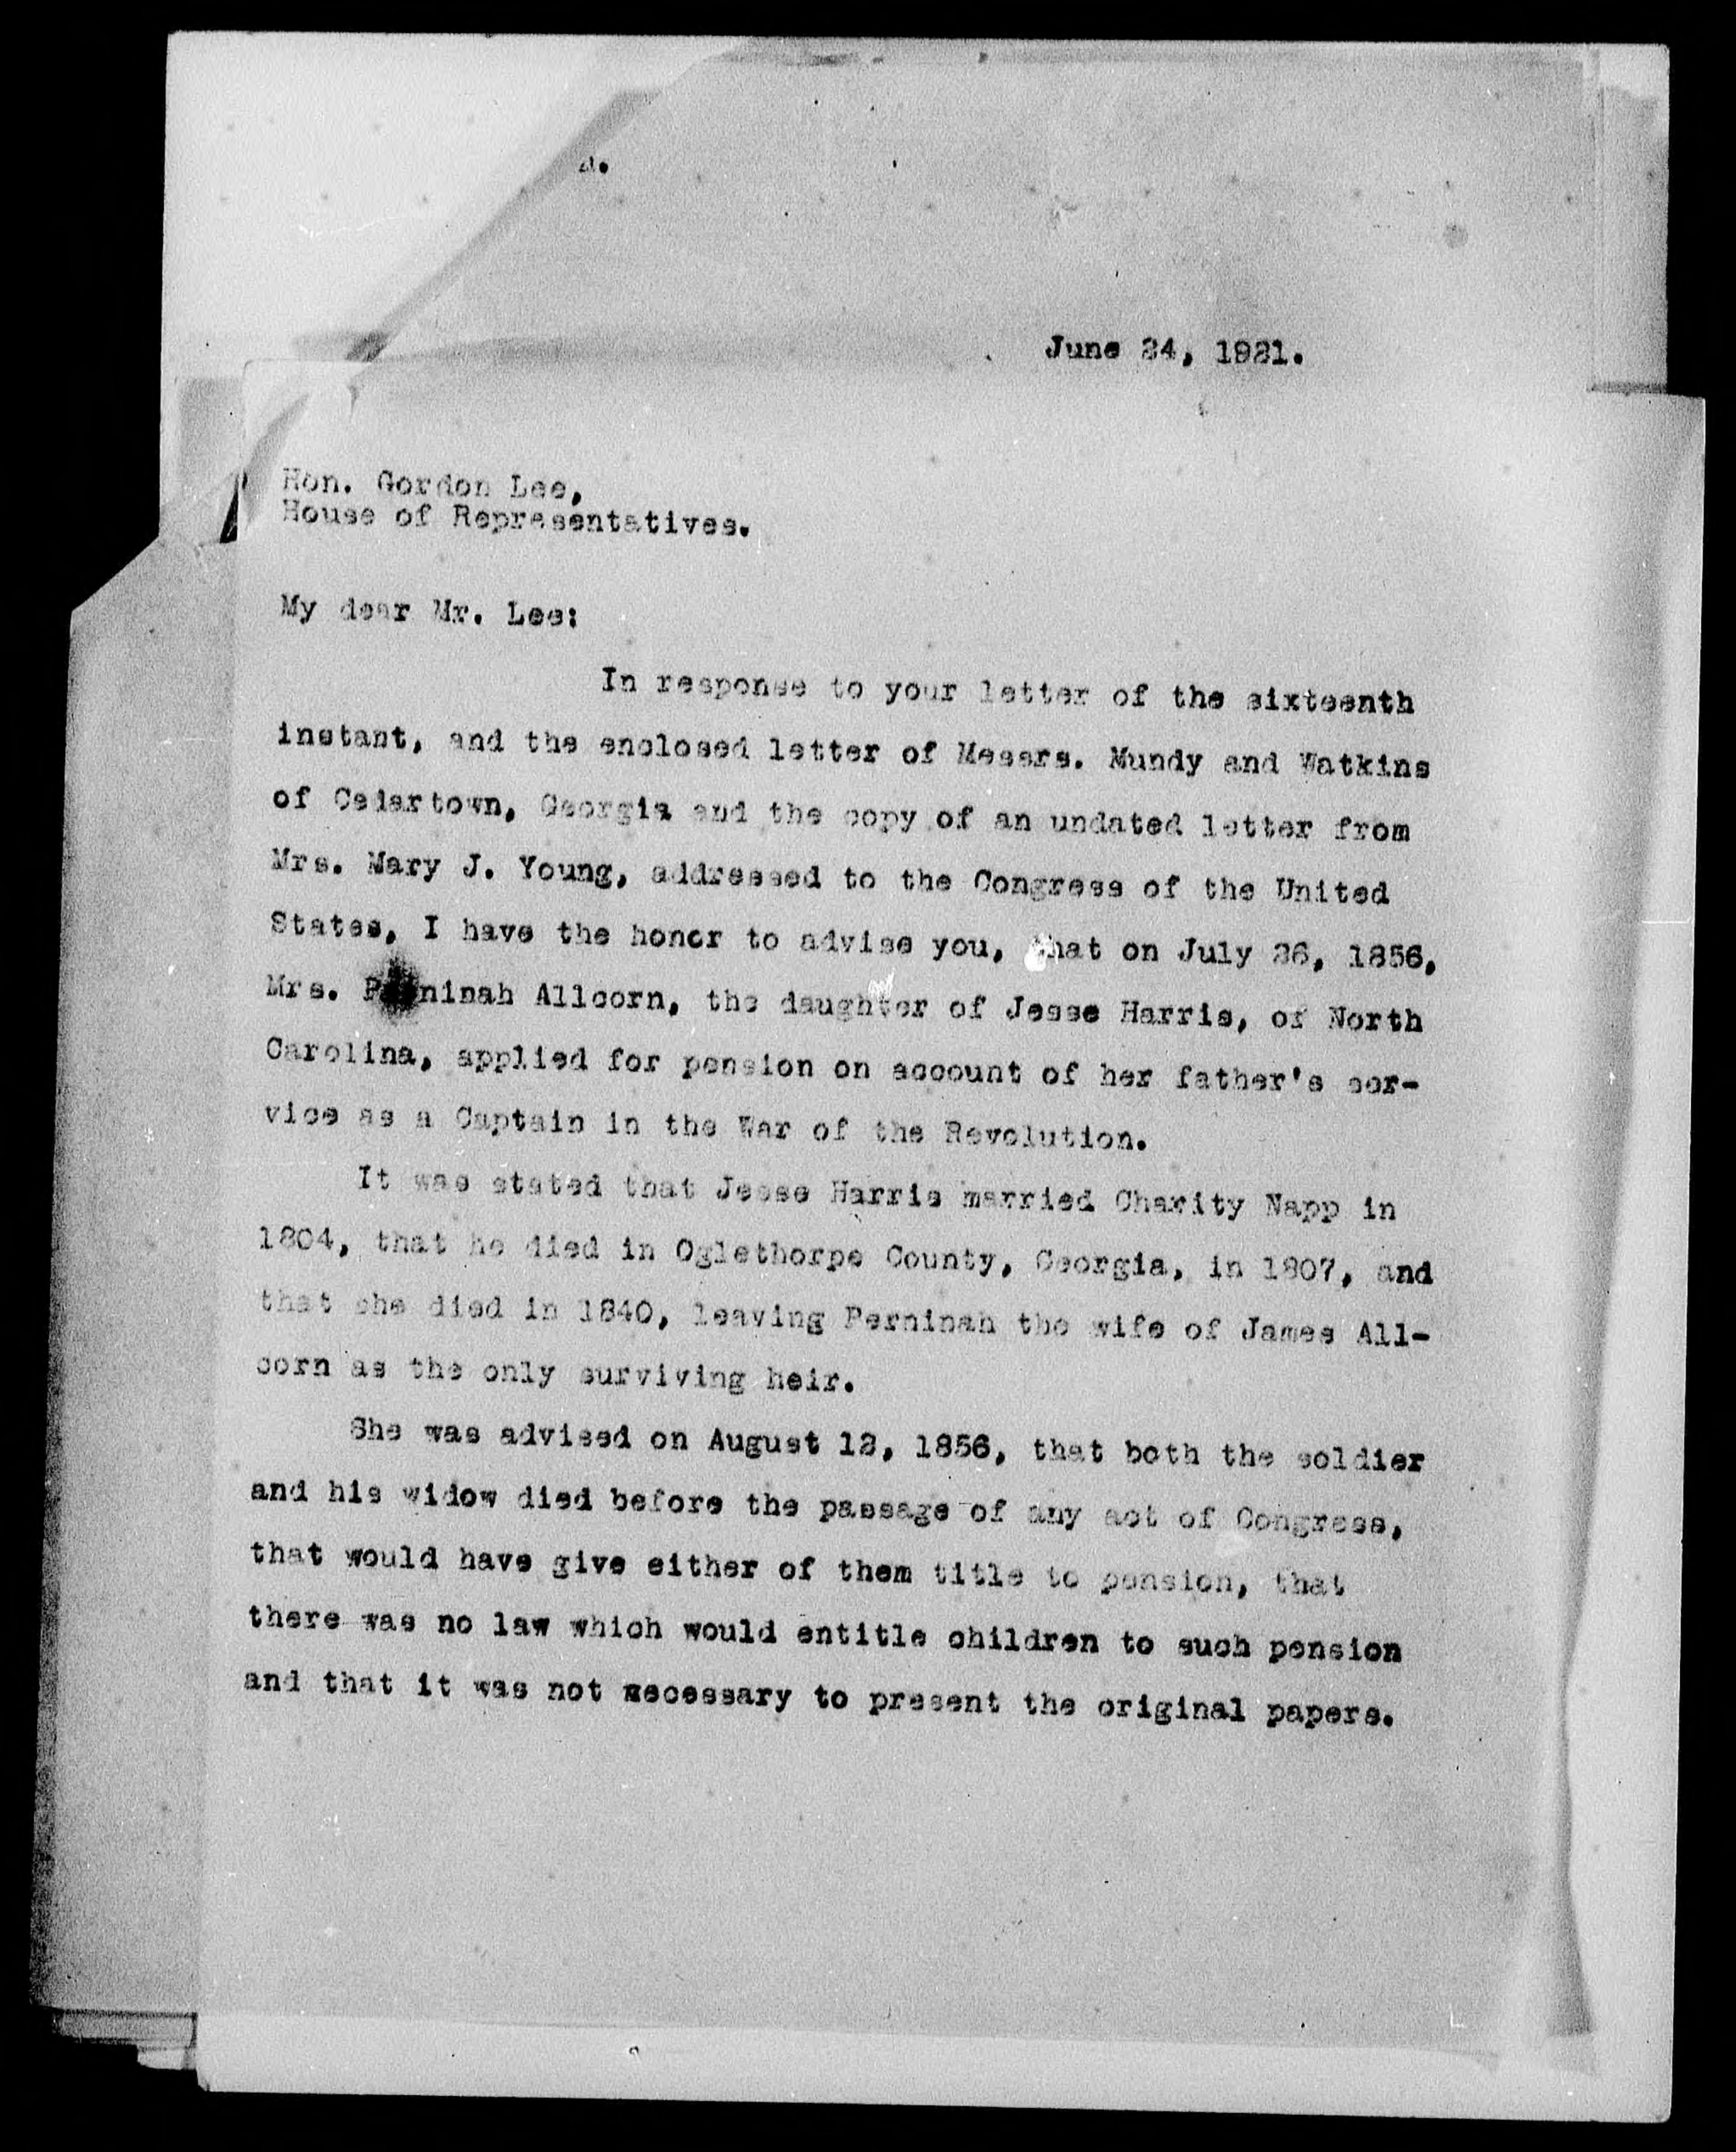June 24, 1981.

Hon. Gordon Lee,
House of Representatives.

My dear Mr.. Leo:
In response to your letter of the sixtenth instant, and the enclosed letter of Messers. Mundy and Watkins of Cedartown, Georgia and the copy of an undated letter from Mrs. Mary J Young, addressed to the Congress of the United States, I have the honor to advise you, that on July 26, 1856, Mrs. Perninah Allcorn, the daughter of Jesse Harris, of North Carolina, applied for pension on account of her father's service as a Captain in the War of the Revolution.
It was stated that Jesse Harris married Charity Napp in 1804, that he died in Oglethorpe County, Georgia, in 1807, and that she died in 1840, leaving Perninah the wife of James Allcorn as the only surviving heir.
She was advised on August 12, 1856, that both the soldier and his widow died before the passage of any act of Congress, that would have give either of them title to pension that there was no law which would entitle children to such pension and that it was not necessary to present the original papers.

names: Jesse Harris, James Allcorn, Gordon Lee, Lee, Mary J Young, Perninah Allcorn, Charity Napp, Jesse Harris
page: 19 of 32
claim: rejected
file: R. 4655, Jesse Harris, N.C.